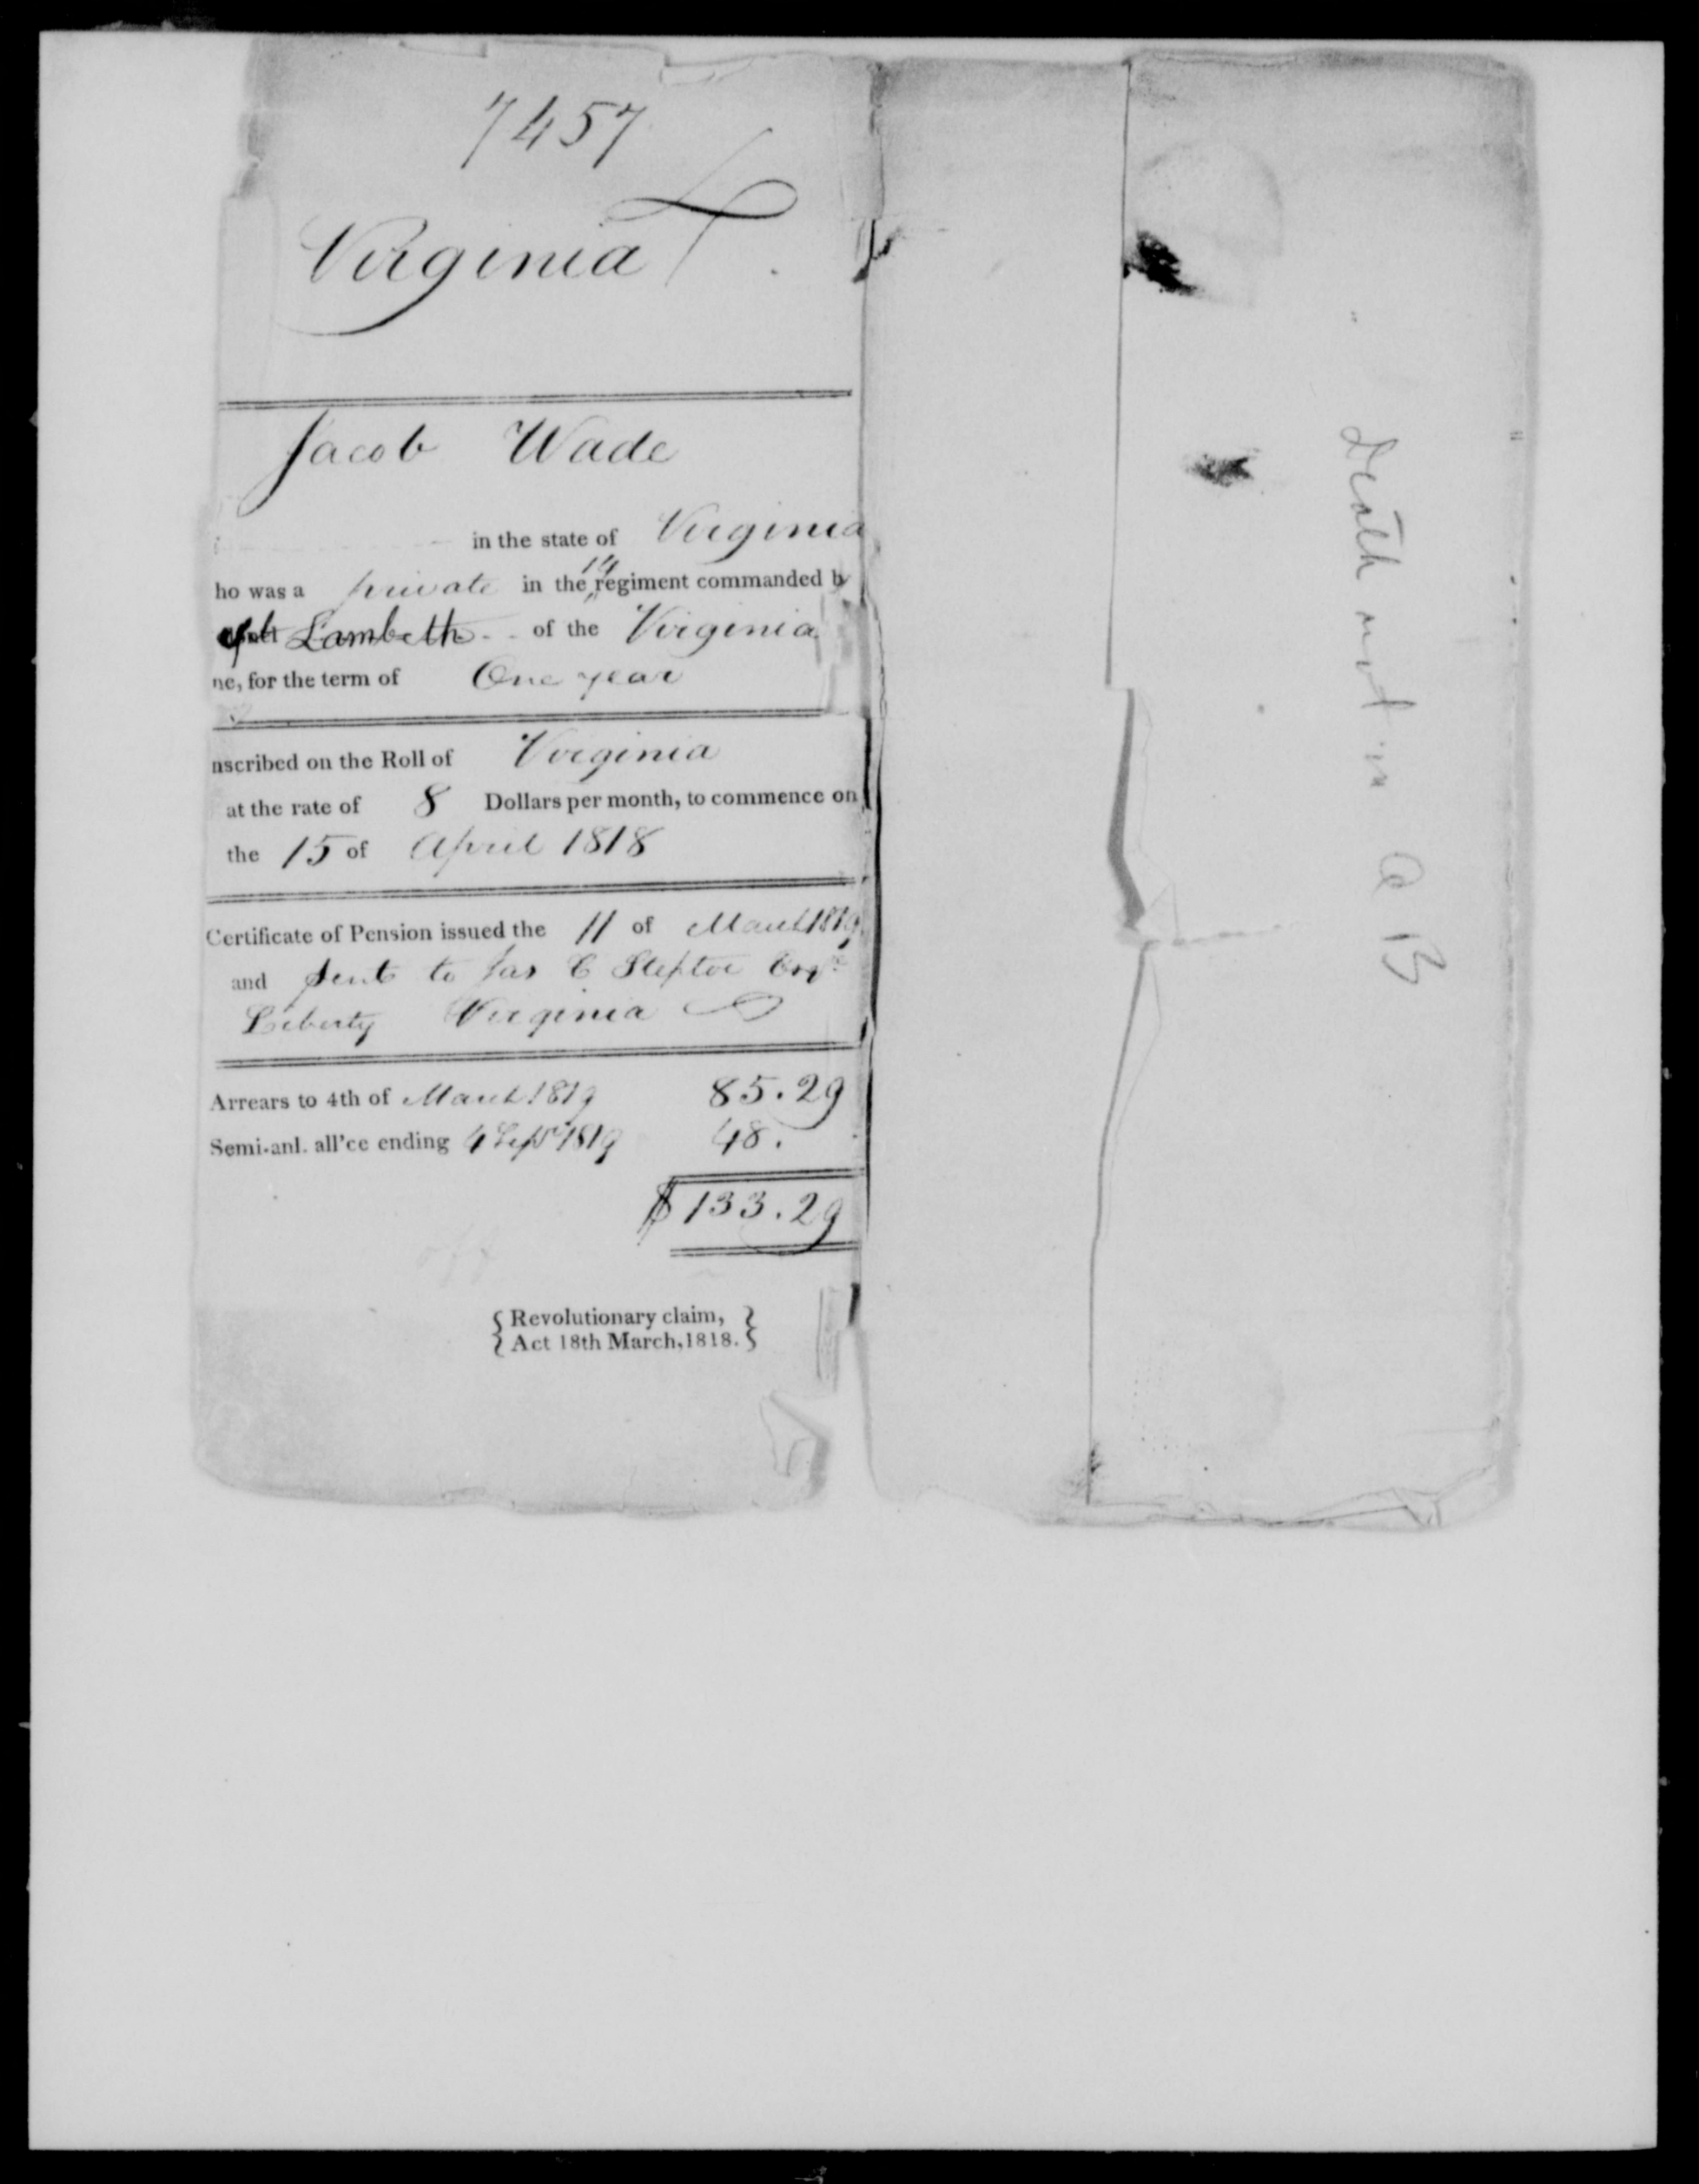7457

Virginia 4

Jacob Wade
in the state of Virginia who was a private in the 14 regiment commanded by Capt Lambeth of the Virginia line, for the term of One year

Inscribed on the Roll of Virginia at the rate of 8 Dollars per month, to commence on the 15 of April 1818

Certificate of Pension issued the 11 of March 1819 and sent to Jas C Steptoe Esqr. Liberty Virginia

Arrears to 4th of March 1819             85.29
Semi-anl. all'ce ending 4 Sept 1819   48.
                                                           $133.29

{Revolutionary claim,}
{Act 18th March, 1818.}


Death not in A B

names: Lambeth, Jacob Wade, Jas C Steptoe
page: 2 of 10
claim: survivor's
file: S. 41290, Jacob Wade, Va.